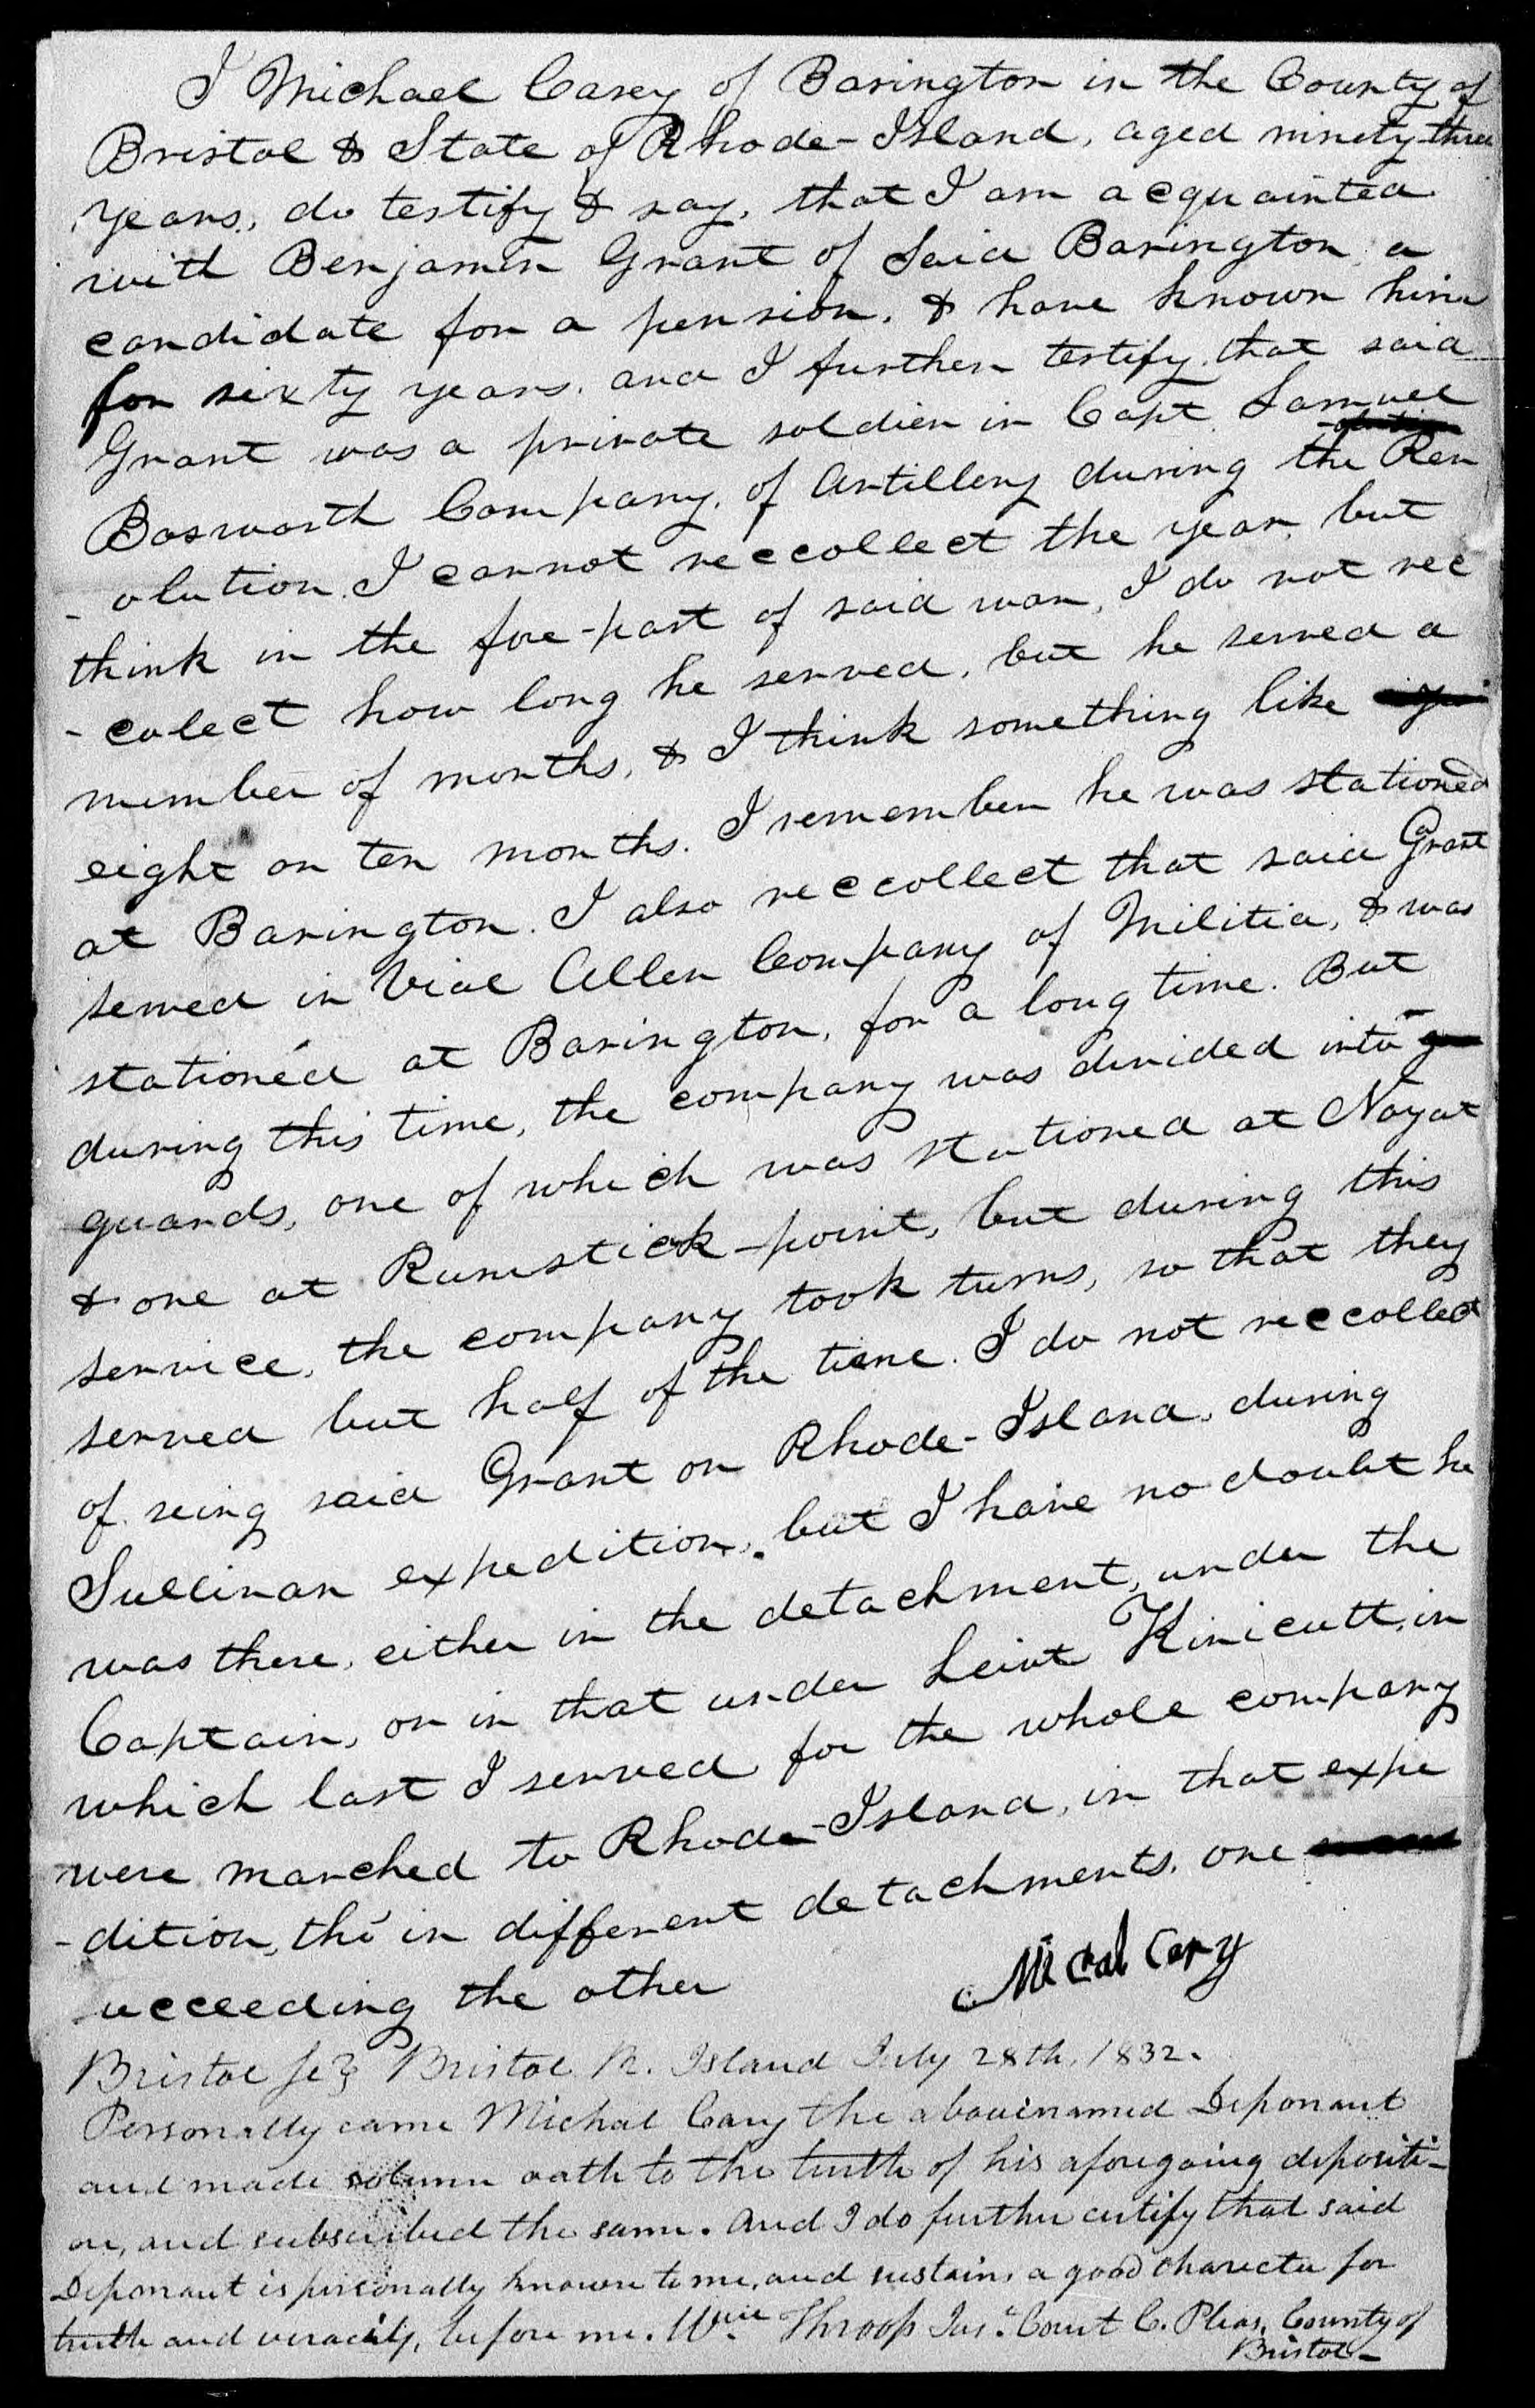I Michael Carey of Barrington in the County of Bristol & State of Rhode-Island, aged ninety three years, do testify & say, that I am acquainted with Benjamin Grant of Said Barrington a candidate for a pension, & have known him for sixty years, and I further testify, that said Grant was a private soldier in Capt. Samuel Bosworth Company of Artillery during the Revolution. I cannot recollect the year but think in the fore-part of said war. I do not recollect how long he served, but he served a number of months, & I think something like eight or ten months. I remember he was stationed at Barrington. I also recollect that said Grant served in Vial [Viall] Allen Company of Militia, & was stationed at Barrington, for a long time. But during this time, the company was divided into guards, one of which was stationed at Nayat [Nayatt] & one at Rumstick-point, but during this service, the company took turns, so that they served but half of the time. I do not recollect of seeing said Grant on Rhode-Island during Sullivan expedition, but I have no doubt he was there, either in the detachment, under the Captain, or in that under Leiut [Lieut.] Kinicutt [Kinnicutt], in which last I served for the whole company were marched to Rhode-Island, in that expedition, tho in different detachments, one succeeding the other
Mical Cary

Bristol Sc [flourish bracket] Bristol R. Island July 28th, 1832.
Personally came Michal Cary the abovenamed Deponant [deponent] and made solemn oath to the truth of this aforegoing deposition, and subscribed the same. and I do further certify that said Deponant [deponent] is personally known to me, and sustains a good character for truth and veracity, before me. Wm. Throop Jus. Court C. Pleas, County of Bristol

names: Grant, Benjamin Grant, Michael Carey, Michal Cary, Mical Cary, Kinicutt, Wm Throop, Grant, Grant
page: 18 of 21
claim: survivor's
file: S. 17,446, Benjamin Grant, R.I.